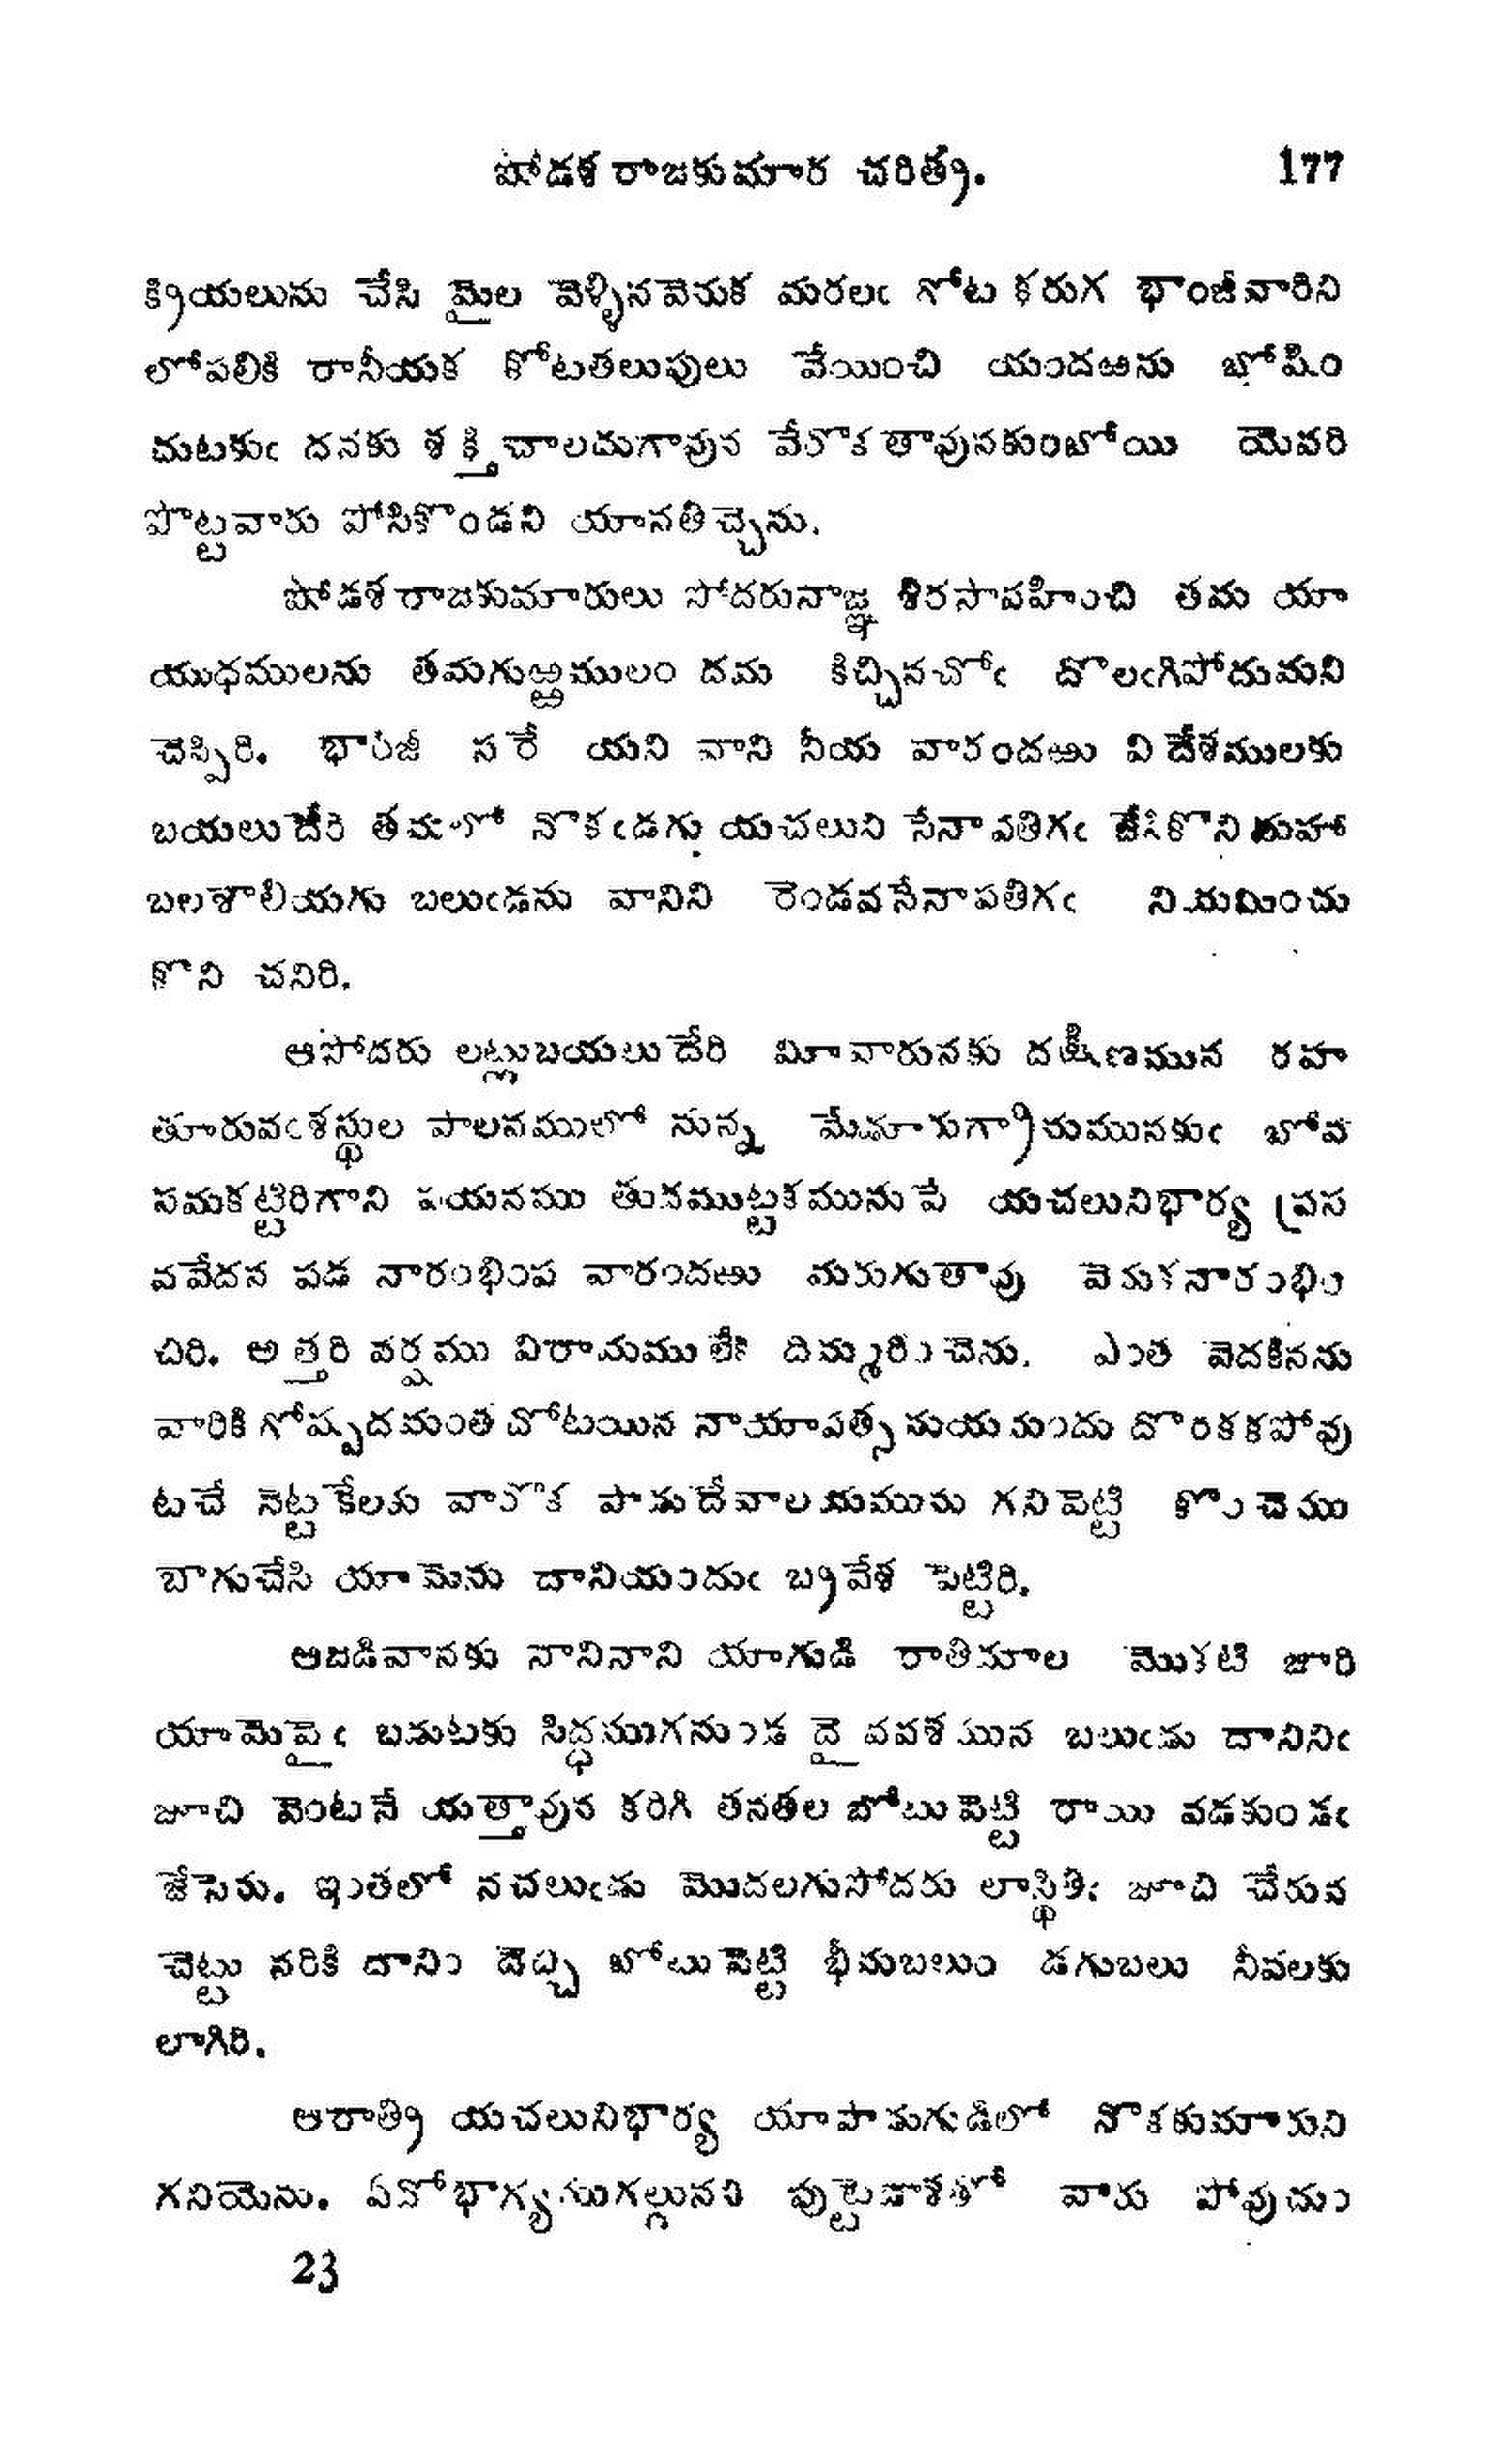క్రియలును చేసి మైల వెళ్ళిన వెనుక మరలఁ గోట కరుగ భాంజీ వారిని లోపలికి రానీయక కోటతలుపులు వేయించి యందఱను బోషిం
చుటకుఁ దనకు శక్తి చాలదుగావున వేరోక తావు కుంటబోయి యెవరి పొట్టవారు పోసికొండని యానతి చ్చెను.

షోడశ రాజకుమారులు సోదరునాజ్ఞ శిరసావహించి తమ యా యుధములను తమగుఱ్ఱములం దమ కిచ్చినచోఁ దొలఁగిపోదుమని చెప్పిరి. భాజీ సరే యని వాని నీయ వారందఱు విదేశములకు బయలుదేరి తమలో నొకఁడగు యచలుని సేనాపతిగఁ జేసికొని మహా బలశాలి యగు బలుండను వానిని రెండవసేనాపతిగఁ నియమించు కోని చనిరి.

ఆసోదరు లట్లు బయలుదేరి మీవారునకు దక్షిణమున రహతూరువఁ శస్థుల పాలనములో నున్న మేడూరుగ్రామమునకుఁ బోవ సమకట్టిరిగాని పయనము తుదముట్టక మునుపే యచలుని భార్య ప్రసవవేదన పడ నారంభింప వారందఱు మరుగుతావు వెనుక నారంభించిరి. అత్తరి వర్షము విరామము లేక దిమ్మరించెను. ఎంత వెదకినను వారికి గోష్పదమంత చోటయిన నాయాపత్సమయ మందు దొరకకపోవుటచే నెట్టకేలకు వారోక పాడు దేవాలయుమును గని పెట్టి కొంచెము బాగుచేసి యామెను దానియందుఁ బ్రవేశ పెట్టిరి.

ఆజడివానకు నానినాని యాగుడి రాతిదూల మొకటి జారి యామెపైఁ బడుటకు సిద్ధముగనుఁడ దైవవశమున బలుఁడు దానిని జూచి వెంటనే యత్తావున కరిగి తనతల బోటు పెట్టి రాయి వడకుండఁ జేసెను. ఇంతలో నచలుఁడు మొదలగు సోదరు లాస్థితిని జూచి చేరువ చెట్టు నరికి దానిం దెచ్చి బోటు పెట్టి భీమబలుం డగుబలు నీవలకు లాగిరి.

ఆరాత్రి యచలునిభార్య యాపాడుగుడిలో నొకకుమారుని గనియెసు. ఏవోభాగ్యముగల్గునని పుట్టెడాశతో వారు పోవుచుం